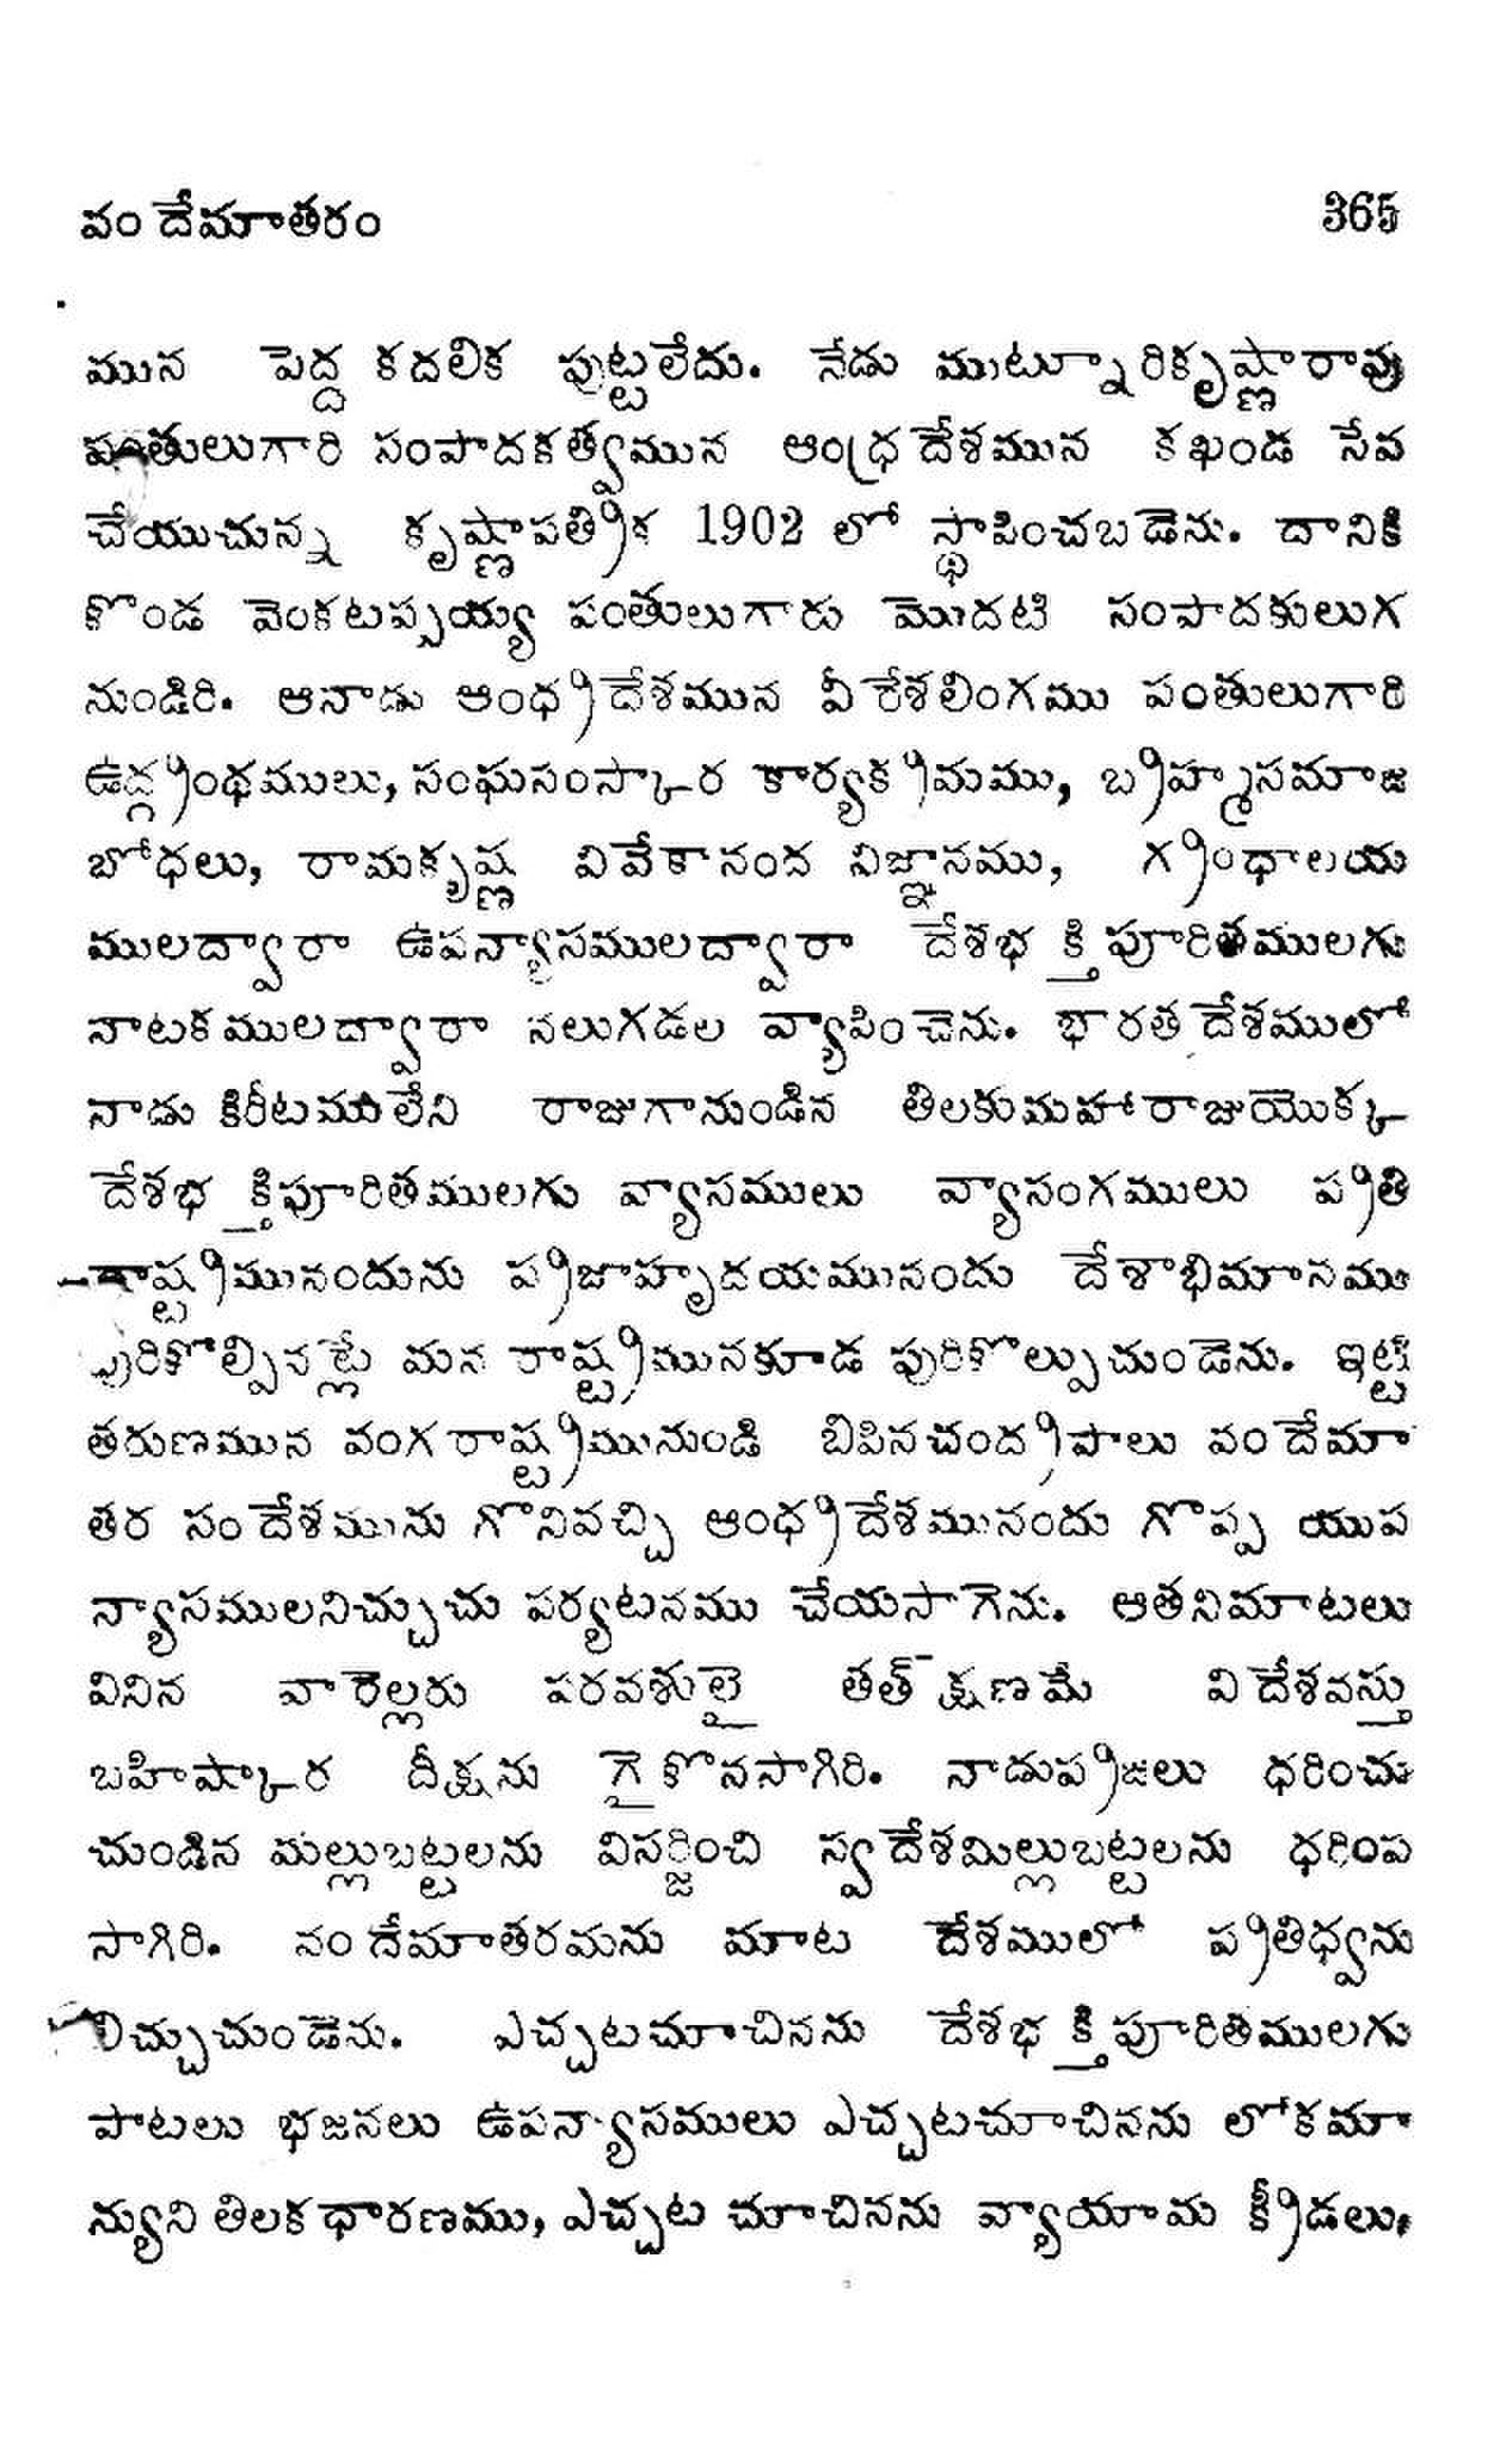మున పెద్ద కదలిక పుట్టలేదు. నేడు ముట్నూరికృష్ణారావు పంతులుగారి సంపాదకత్వమున ఆంధ్రదేశమున కఖండ సేవచేయుచున్న కృష్ణాపత్రిక 1902 లో స్థాపించబడెను. దానికి కొండ వెంకటప్పయ్య పంతులుగారు మొదటి సంపాదకులుగ నుండిరి. ఆనాడు ఆంధ్రదేశమున వీరేశలింగము పంతులుగారి ఉద్గ్రంథములు, సంఘసంస్కార కార్యక్రమము, బ్రహ్మసమాజ బోధలు, రామకృష్ణ వివేకానంద విజ్ఞానము, గ్రంధాలయములద్వారా ఉపన్యాసములద్వారా దేశభక్తిపూరితములగు నాటకములద్వారా నలుగడల వ్యాపించెను. భారతదేశములో నాడు కిరీటములేని రాజుగానుండిన తిలకుమహారాజుయొక్క దేశభక్తిపూరితములగు వ్యాసములు వ్యాసంగములు ప్రతిరాష్ట్రమునందును ప్రజాహృదయమునందు దేశాభిమానము పురికొల్పినట్లే మన రాష్ట్రమునకూడ పురికొల్పుచుండెను. ఇట్టి తరుణమున వంగరాష్ట్రమునుండి బిపినచంద్రపాలు వందేమాతర సందేశమును గొనివచ్చి ఆంధ్రదేశమునందు గొప్ప యుపన్యాసముల నిచ్చుచు పర్యటనము చేయసాగెను. ఆతనిమాటలు వినిన వారెల్లరు పరవశులై తత్క్షణమే విదేశవస్తు బహిష్కార దీక్షను గైకొనసాగిరి. నాడుప్రజలు ధరించుచుండిన మల్లుబట్టలను విసర్జించి స్వదేశమిల్లుబట్టలను ధరింపసాగిరి. వందేమాతరమను మాట దేశములో ప్రతిధ్వను లిచ్చుచుండెను. ఎచ్చటచూచినను దేశభక్తిపూరితములగు పాటలు భజనలు ఉపన్యాసములు ఎచ్చటచూచినను లోకమాన్యుని తిలకధారణము, ఎచ్చట చూచినను వ్యాయామ క్రీడలు,